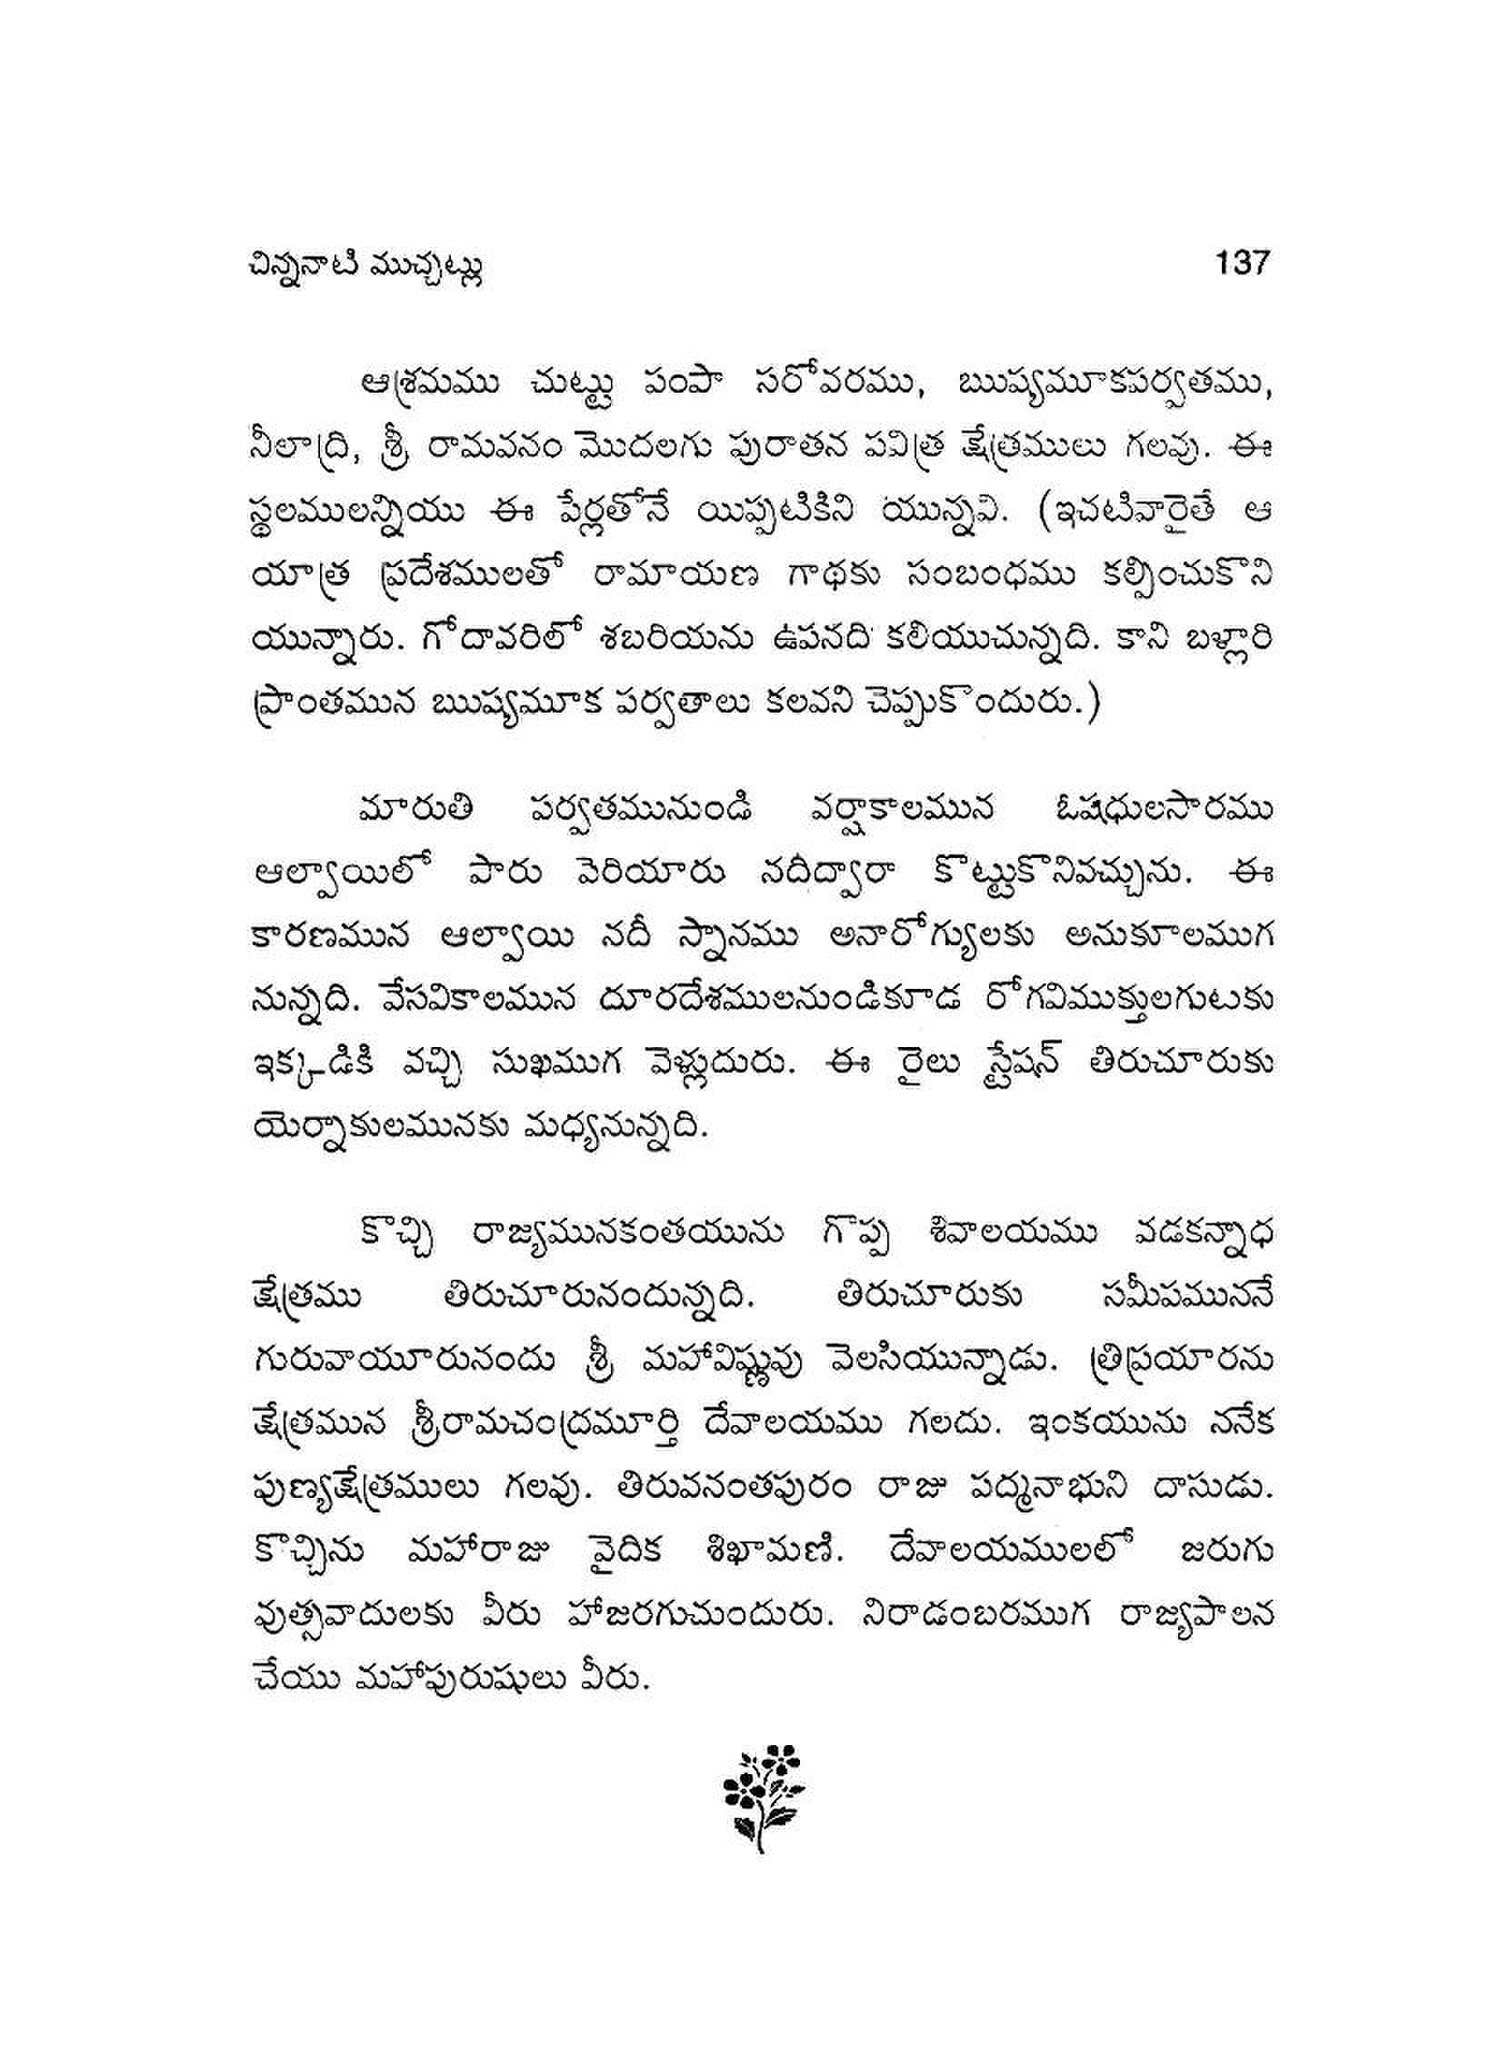ఆశ్రమము చుట్టు పంపా సరోవరము, ఋష్యమూకపర్వతము, నీలాద్రి, శ్రీ రామవనం మొదలగు పురాతన పవిత్ర క్షేత్రములు గలవు. ఈ స్థలములన్నియు ఈ పేర్లతోనే యిప్పటికిని యున్నవి. (ఇచటివారైతే ఆ యాత్ర ప్రదేశములతో రామాయణ గాథకు సంబంధము కల్పించుకొని యున్నారు. గోదావరిలో శబరియను ఉపనది కలియుచున్నది. కాని బళ్లారి ప్రాంతమున ఋష్యమూక పర్వతాలు కలవని చెప్పకొందురు.)

మారుతి పర్వతమునుండి వర్షాకాలమున ఓషధులసారము ఆల్వాయిలో పారు పెరియారు నదిద్వారా కొట్టుకొనివచ్చును. ఈ కారణమున ఆల్వాయి నదీ స్నానము అనారోగ్యులకు అనుకూలముగ నున్నది. వేసవికాలమున దూరదేశములనుండికూడ రోగవిముక్తులగుటకు ఇక్కడికి వచ్చి సుఖముగ వెళ్ళుదురు. ఈ రైలు స్టేషన్ తిరుచూరుకు యెర్నాకులమునకు మధ్యనున్నది.

కొచ్చి రాజ్యమునకంతయును గొప్ప శివాలయము వడకన్నాధ క్షేత్రము తిరుచూరునందున్నది. తిరుచూరుకు సమీపముననే గురువాయూరునందు శ్రీ మహావిష్ణువు వెలసియున్నాడు. త్రిప్రయారను క్షేత్రమున శ్రీరామచంద్రమూర్తి దేవాలయము గలదు. ఇంకయును ననేక పుణ్యక్షేత్రములు గలవు. తిరువనంతపురం రాజు పద్మనాభుని దాసుడు. కొచ్చిను మహారాజు వైదిక శిఖామణి. దేవాలయములలో జరుగు వుత్సవాదులకు వీరు హాజరగుచుందురు. నిరాడంబరముగ రాజ్యపాలన చేయు మహాపురుషులు వీరు.